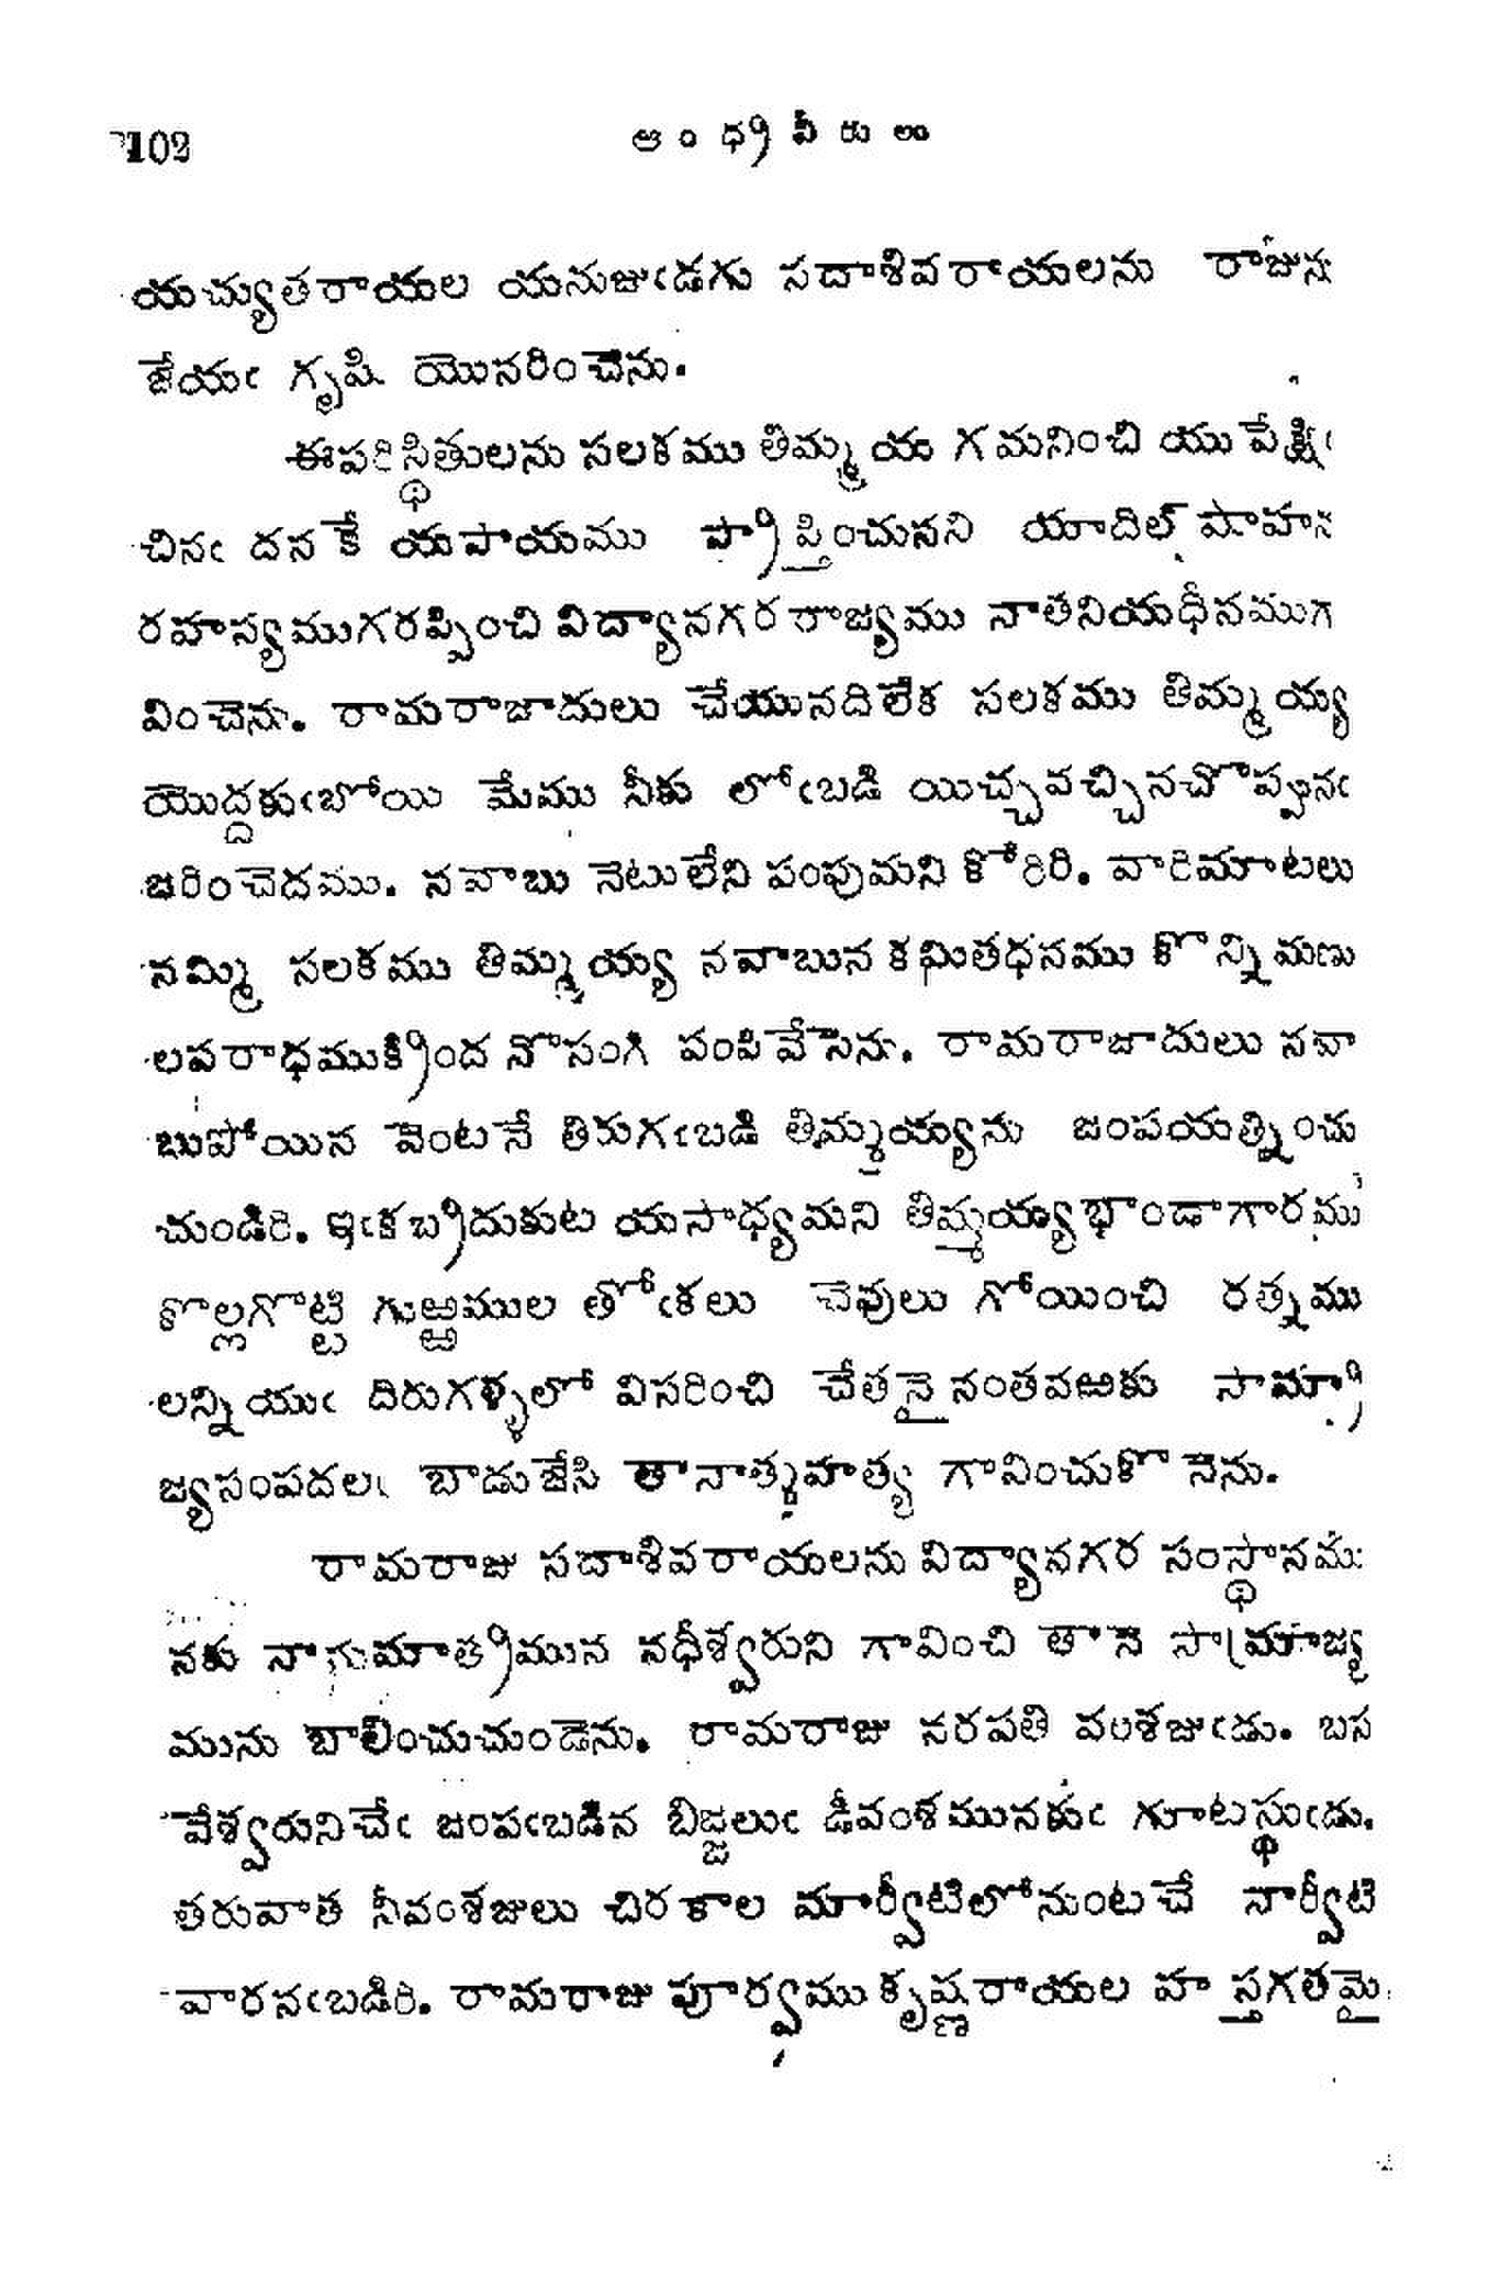యచ్యుతరాయల యనుజుడగు సదాశివరాయలను రాజును జేయ గృషి యొనరించెను.

ఈఫరిస్థితులను సలకము తిమ్మయ గమనించి యుపేక్షించిన దనకే యపాయము ప్రాప్తించునని యాదిల్‌షాహను రహస్యముగరప్పించి విద్యానగరరాజ్యము నాతని యధీనముగావించెను. రామరాజాదులు చేయునదిలేక సలకము తిమ్మయ్య యొద్దకుబోయి మేము నీకు లోబడి యిచ్చవచ్చినచొప్పున జరించెదము. నవాబు నెటులేని పంపుమని కోరిరి. వారిమాటలు నమ్మి సలకము తిమ్మయ్య నవాబున కమితధనము కొన్నిమణులపరాధముక్రింద నొసంగి పంపివేసెను. రామరాజాదులు నవాబుపోయిన వెంటనే తిరుగబడి తిమ్మయ్యను జంపయత్నించుచుండిరి. ఇకబ్రదుకుట యసాధ్యమని తిమ్మయ్యభాండాగారము కొల్లగొట్టి గుఱ్ఱముల తోకలు చెవులు గోయించి రత్నములన్నియు దిరుగళ్ళలో విసరించి చేతనైనంతవఱకు సామ్రాజ్యసంపదల బాడుజేసి తానాత్మహత్య గావించుకొనెను.

రామరాజు సదాశివరాయలను విద్యానగర సంస్థానమునకు నామమాత్రమున నధీశ్వరుని గావించి తానె సామ్రాజ్యమును బాలించుచుండెను. రామరాజు నరపతి వంశజుడు. బసవేశ్వరునిచే జంపబడిన బిజ్జలు డీవంశమునకు గూటస్థుడు. తరువాత నీవంశజులు చిరకాల మార్వీటిలోనుంటచే నార్వీటి వారసబడిరి. రామరాజు పూర్వము కృష్ణరాయల హస్తగతమై